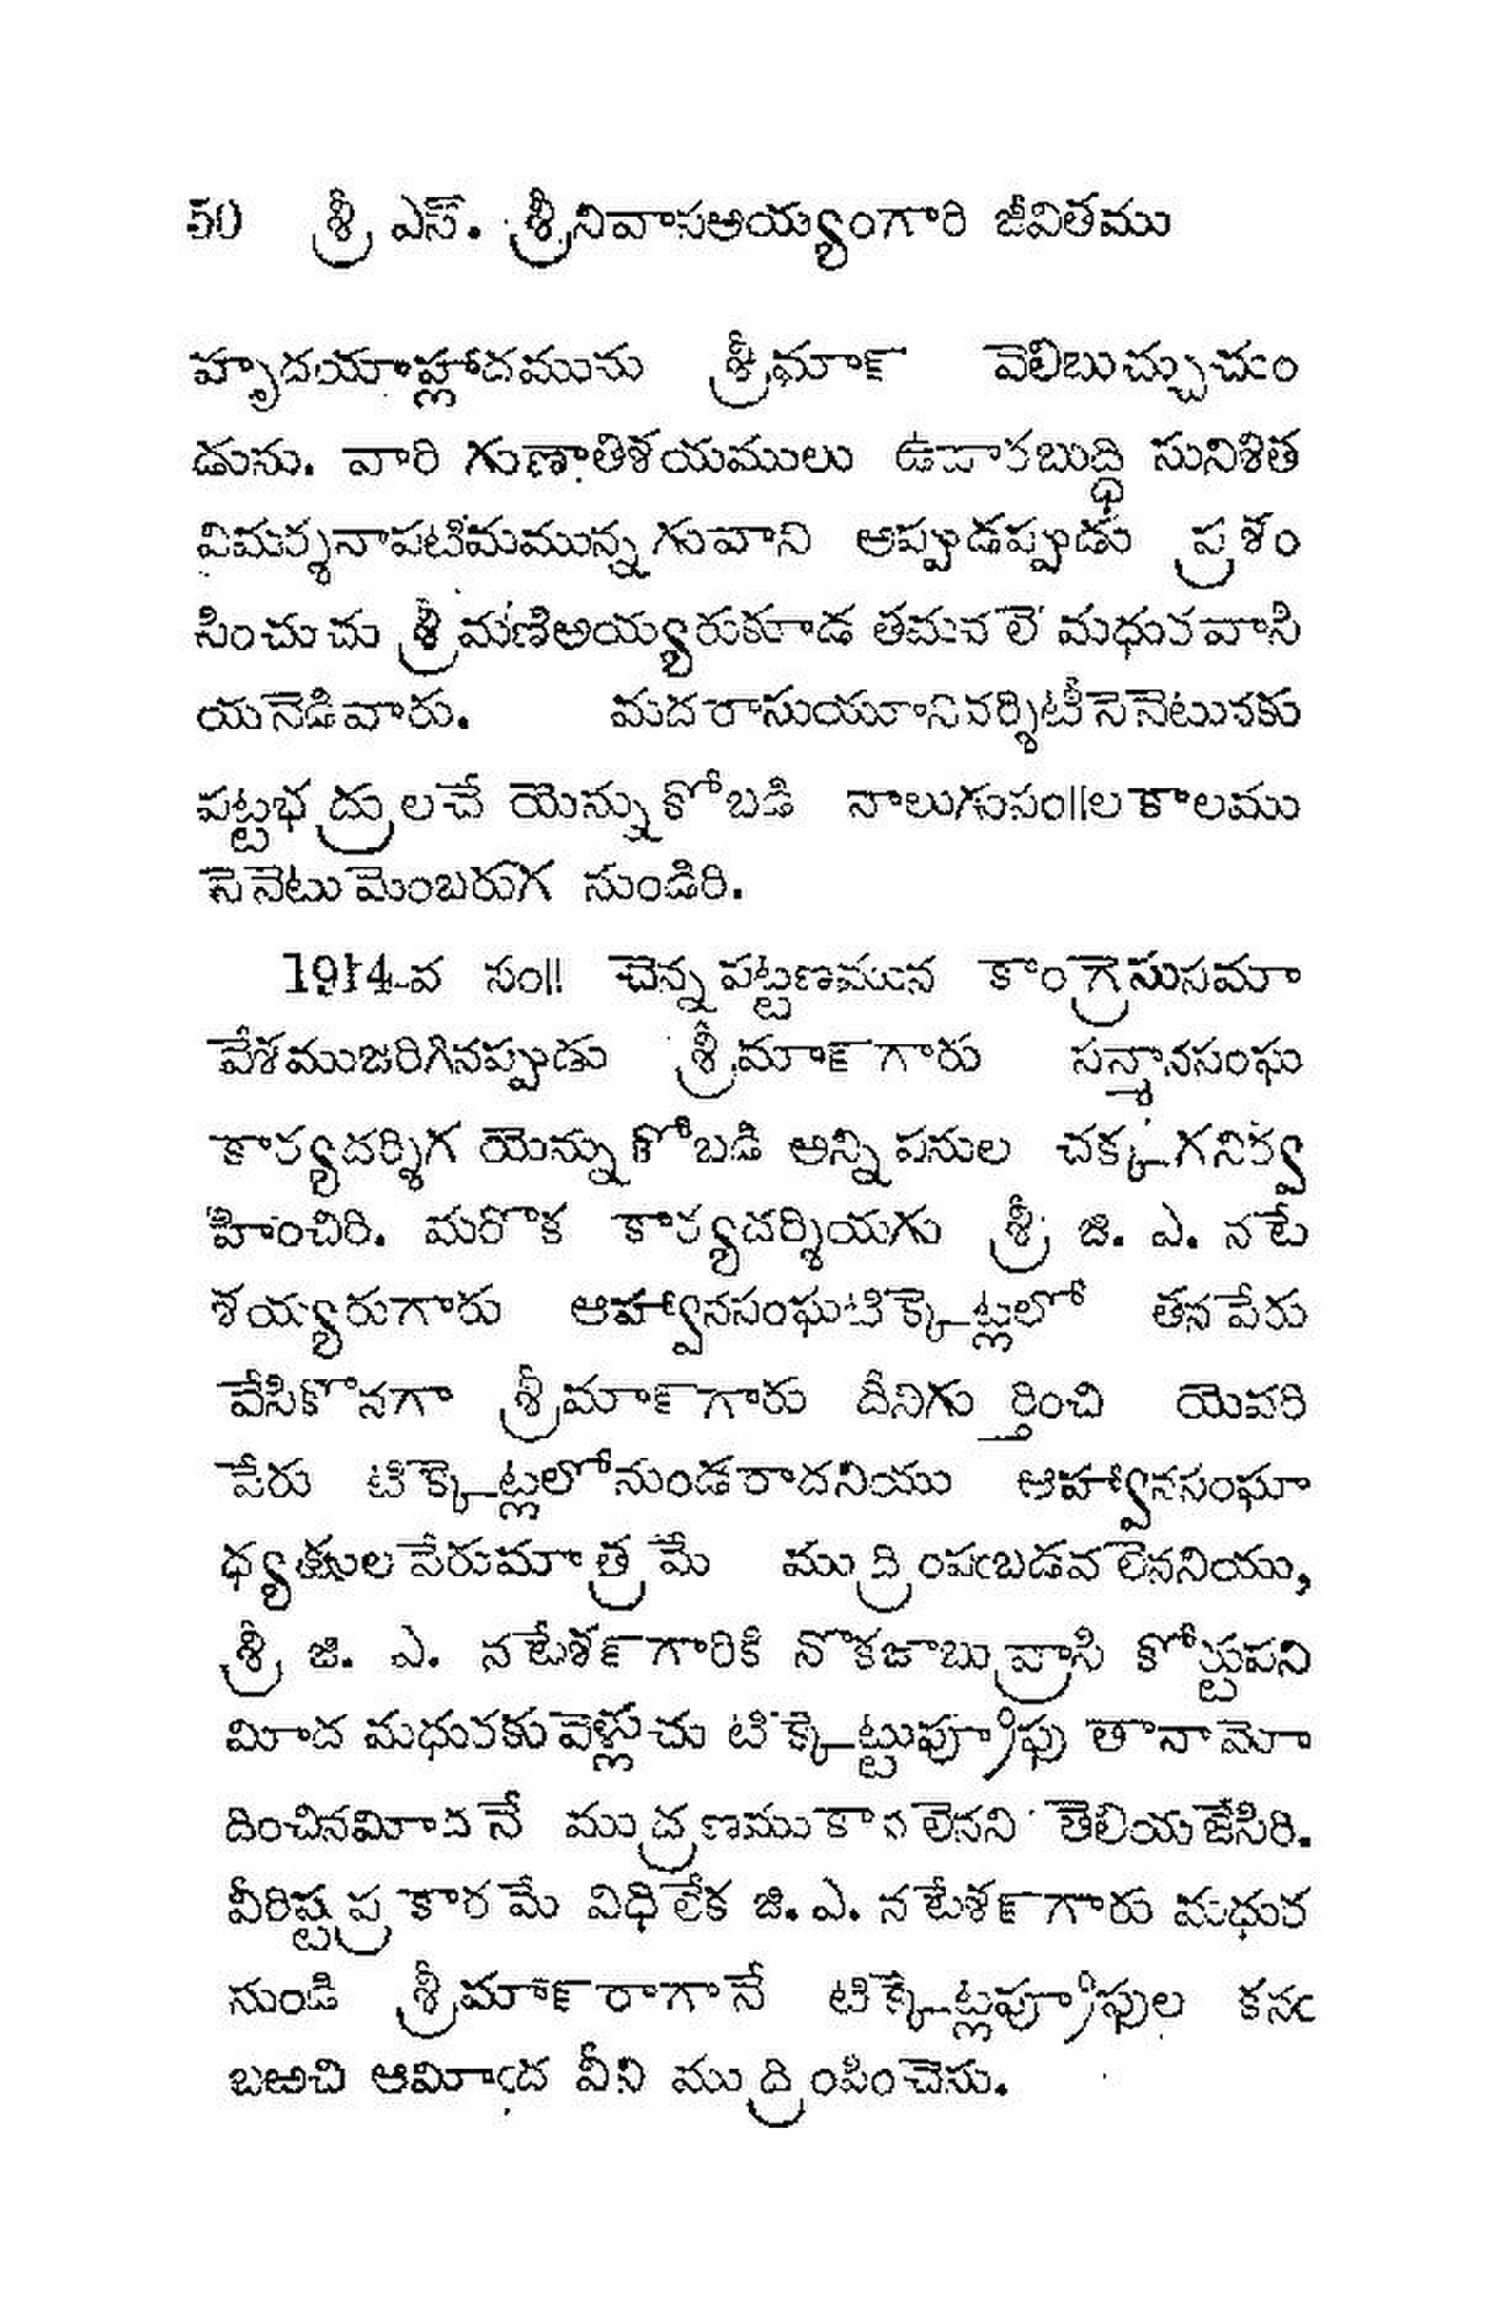హృదయాహ్లాదమును శ్రీమా౯ వెలిబుచ్చుచుండును. వారి గుణాతిశయములు ఉదారబుద్ది సునిశితవిమర్శనాపటిమమున్నగువాని అప్పుడప్పుడు ప్రశంసించుచు శ్రీమణిఅయ్యరు కూడ తమవలె మధురవాసి యనెడివారు. మదరాసు యూనివర్శిటీ సెనెటునకు పట్టభద్రులచే యెన్నుకోబడి నాలుగు సం||ల కాలము సెనెటు మెంబరుగ నుండిరి.

1914 వ సం!! చెన్నపట్టణమున కాంగ్రెసుసమావేశముజరిగినప్పుడు శ్రీమా౯గారు సన్మానసంఘ కార్యదర్శిగ యెన్నుకోబడి అన్నిపనుల చక్కగనిర్వహించిరి. మరొక కార్యదర్శియగు శ్రీ జి. ఎ. నటేశయ్యరుగారు ఆహ్వానసంఘ టిక్కెట్లలో తనపేరు వేసికొనగా శ్రీమా౯గారు దీనిగుర్తించి యెవరిపేరు టిక్కెట్లలోనుండరాదనియు ఆహ్వానసంఘాధ్యక్షుల పేరుమాత్రమే ముద్రింపఁబడవలెననియు, శ్రీ జి. ఎ. నటేశ౯గారికి నొకజాబువ్రాసి కోర్టుపనిమీద మధురకువెళ్లుచు టిక్కెట్టుప్రూపు తానామోదించినమీద ముద్రణము కావలెనని తెలియజేసిరి. వీరిష్టప్రకారమే విధిలేక జి. ఎ. నటేశ౯గారు మధుక నుండి శ్రీమా౯ రాగానే టిక్కెట్లప్రూపుల కనఁబఱచి ఆమీఁద వీని ముద్రింపించెను.